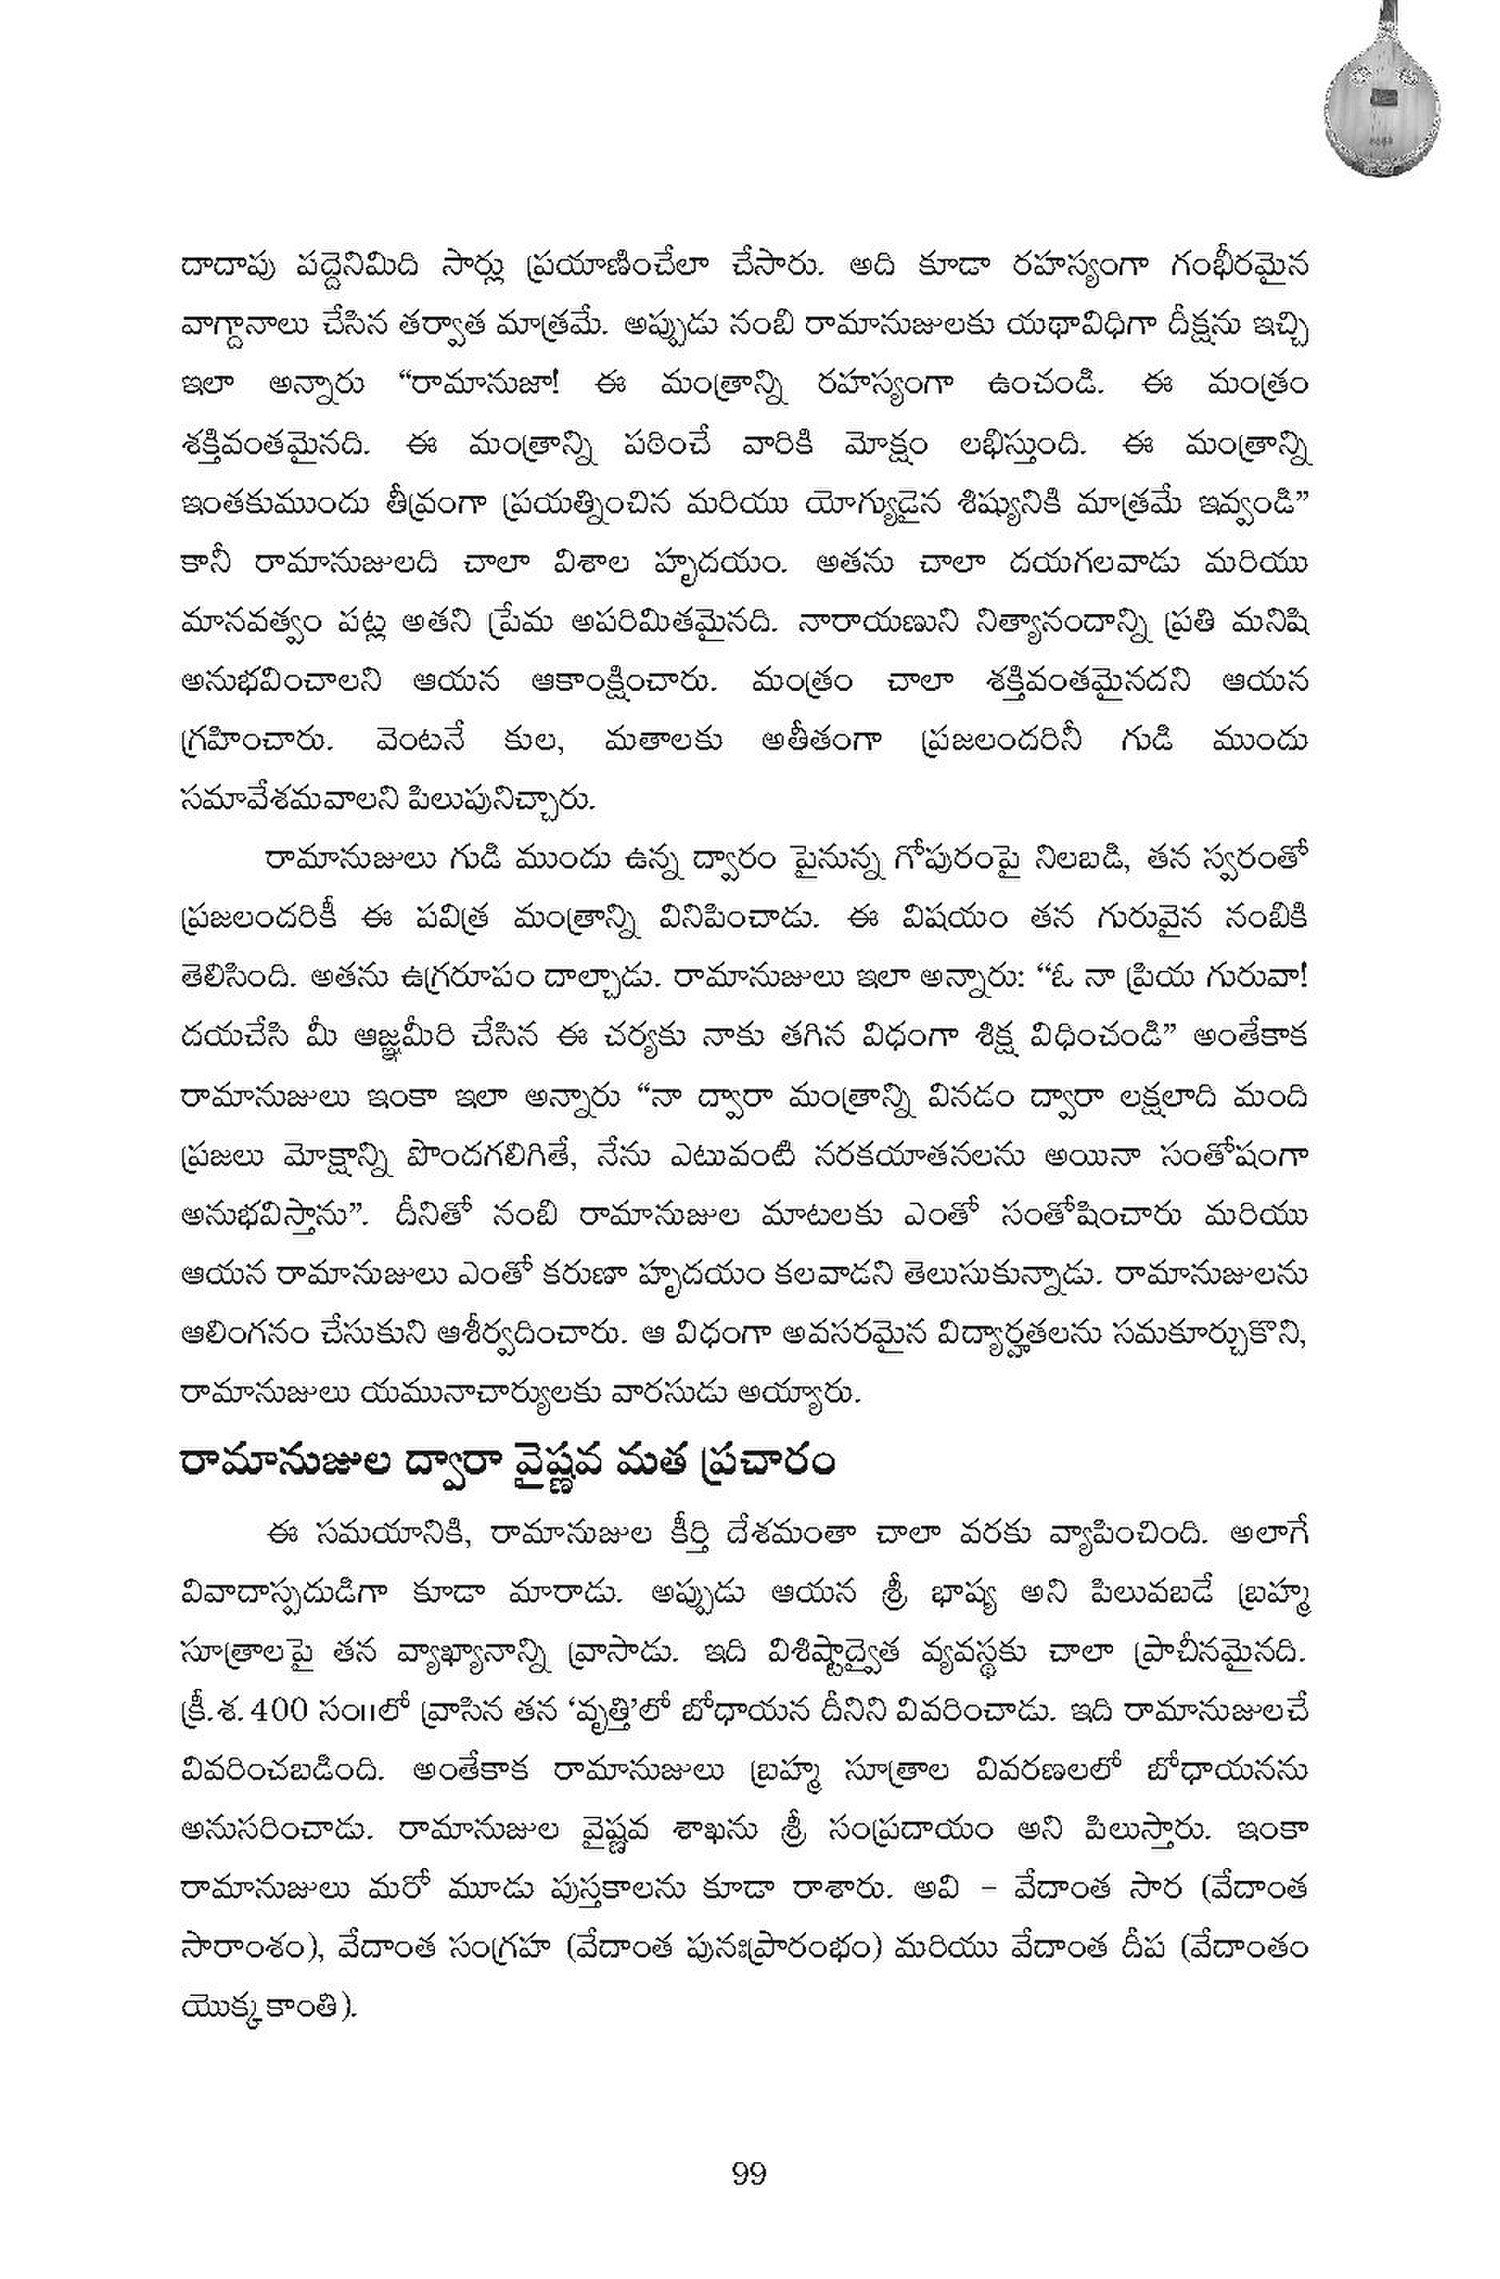దాదాపు పద్దెనిమిది సార్లు ప్రయాణించేలా చేసారు. అది కూడా రహస్యంగా గంభీరమైన వాగ్దానాలు చేసిన తర్వాత మాత్రమే. అప్పుడు నంబి రామానుజులకు యథావిధిగా దీక్షను ఇచ్చి ఇలా అన్నారు "రామానుజా! ఈ మంత్రాన్ని రహస్యంగా ఉంచండి. ఈ మంత్రం శక్తివంతమైనది. ఈ మంత్రాన్ని పఠించే వారికి మోక్షం లభిస్తుంది. ఈ మంత్రాన్ని ఇంతకుముందు తీవ్రంగా ప్రయత్నించిన మరియు యోగ్యుడైన శిష్యునికి మాత్రమే ఇవ్వండి" కానీ రామానుజులది చాలా విశాల హృదయం. అతను చాలా దయగలవాడు మరియు మానవత్వం పట్ల అతని ప్రేమ అపరిమితమైనది. నారాయణుని నిత్యానందాన్ని ప్రతి మనిషి అనుభవించాలని ఆయన ఆకాంక్షించారు. మంత్రం చాలా శక్తివంతమైనదని ఆయన గ్రహించారు. వెంటనే కుల, మతాలకు అతీతంగా ప్రజలందరినీ గుడి ముందు సమావేశమవాలని పిలుపునిచ్చారు.

రామానుజులు గుడి ముందు ఉన్న ద్వారం పైనున్న గోపురంపై నిలబడి, తన స్వరంతో ప్రజలందరికీ ఈ పవిత్ర మంత్రాన్ని వినిపించాడు. ఈ విషయం తన గురువైన నంబికి తెలిసింది. అతను ఉగ్రరూపం దాల్చాడు. రామానుజులు ఇలా అన్నారు: “ఓ నా ప్రియ గురువా! దయచేసి మీ ఆజ్ఞమీరి చేసిన ఈ చర్యకు నాకు తగిన విధంగా శిక్ష విధించండి" అంతేకాక రామానుజులు ఇంకా ఇలా అన్నారు "నా ద్వారా మంత్రాన్ని వినడం ద్వారా లక్షలాది మంది ప్రజలు మోక్షాన్ని పొందగలిగితే, నేను ఎటువంటి నరకయాతనలను అయినా సంతోషంగా అనుభవిస్తాను". దీనితో నంబి రామానుజుల మాటలకు ఎంతో సంతోషించారు మరియు ఆయన రామానుజులు ఎంతో కరుణా హృదయం కలవాడని తెలుసుకున్నాడు. రామానుజులను ఆలింగనం చేసుకుని ఆశీర్వదించారు. ఆ విధంగా అవసరమైన విద్యార్హతలను సమకూర్చుకొని,
రామానుజులు యమునాచార్యులకు వారసుడు అయ్యారు.

రామానుజుల ద్వారా వైష్ణవ మత ప్రచారం 

ఈ సమయానికి, రామానుజుల కీర్తి దేశమంతా చాలా వరకు వ్యాపించింది. అలాగే వివాదాస్పదుడిగా కూడా మారాడు. అప్పుడు ఆయన శ్రీ భాష్య అని పిలువబడే బ్రహ్మ సూత్రాలపై తన వ్యాఖ్యానాన్ని వ్రాసాడు. ఇది విశిష్టాద్వైత వ్యవస్థకు చాలా ప్రాచీనమైనది. క్రీ.శ. 400 సం౹౹లో వ్రాసిన తన 'వృత్తి'లో బోధాయన దీనిని వివరించాడు. ఇది రామానుజులచే
వివరించబడింది. అంతేకాక రామానుజులు బ్రహ్మ సూత్రాల వివరణలలో బోధాయనను అనుసరించాడు. రామానుజుల వైష్ణవ శాఖను శ్రీ సంప్రదాయం అని పిలుస్తారు. ఇంకా రామానుజులు మరో మూడు పుస్తకాలను కూడా రాశారు. అవి - వేదాంత సార (వేదాంత సారాంశం), వేదాంత సంగ్రహ (వేదాంత పునఃప్రారంభం) మరియు వేదాంత దీప (వేదాంతం
యొక్క కాంతి).